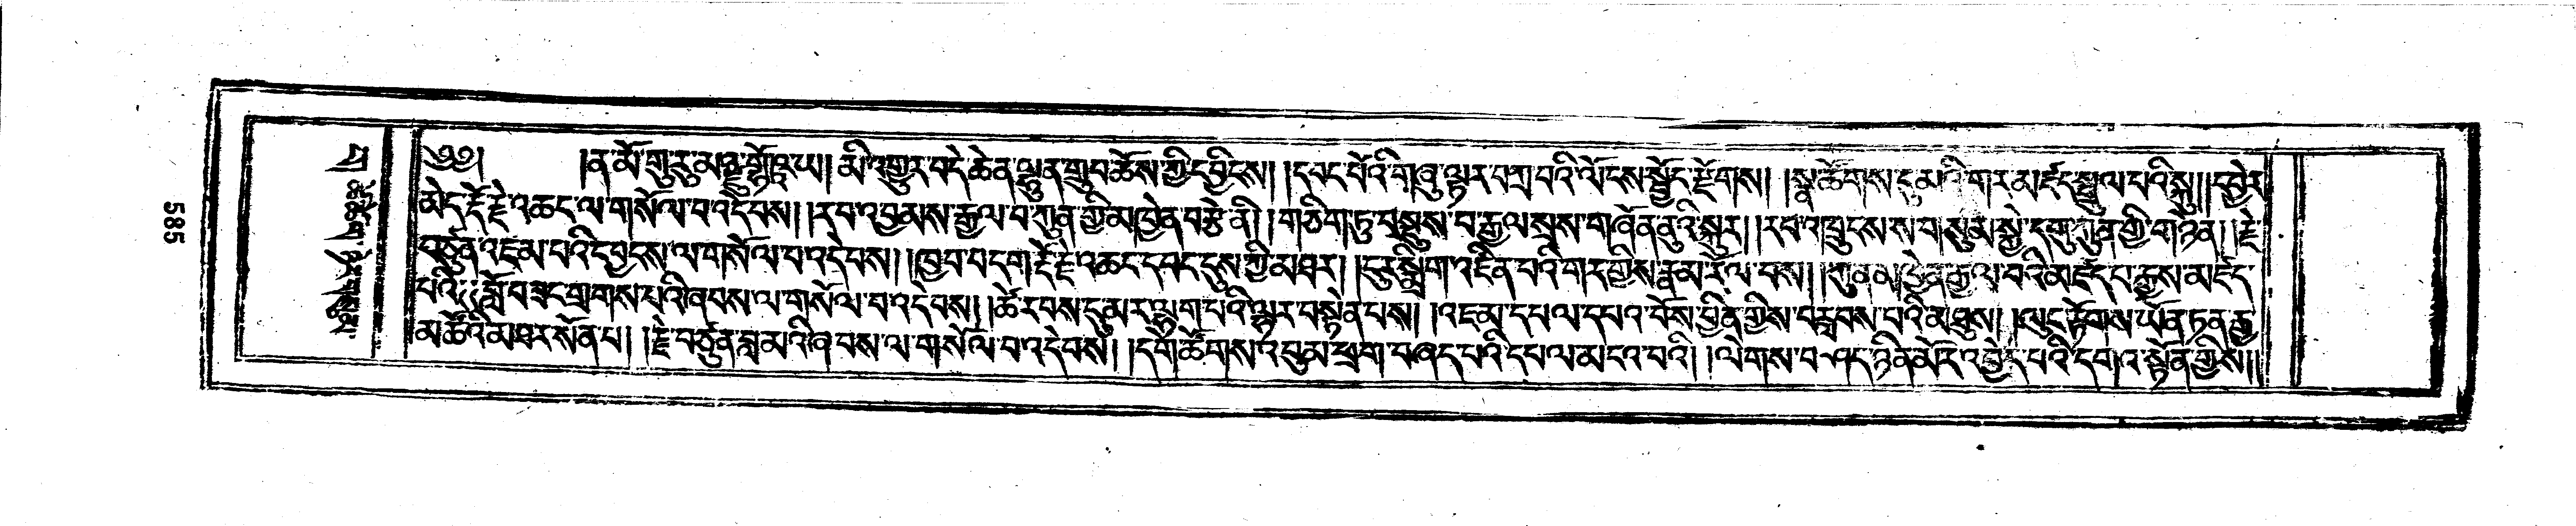༄༅། །ན་མོ་གུ་རུ་མཉྫུ་གྷོ་ཥཱ་ཡ། མི་འགྱུར་བདེ་ཆེན་ལྷུན་གྲུབ་ཆོས་ཀྱི་དབྱིངས། །དབང་པོའི་གཞུ་ལྟར་བཀྲ་བའི་ལོངས་སྤྱོད་རྫོགས། །སྣ་ཚོགས་དུ་མའི་གར་མཛད་སྤྲུལ་པའི་སྐུ། །དབྱེར་
མེད་རྡོ་རྗེ་འཆང་ལ་གསོལ་བ་འདེབས། །རབ་འབྱམས་རྒྱལ་བ་ཀུན་གྱི་མཁྱེན་བརྩེ་ནི། །གཅིག་ཏུ་བསྡུས་པ་རྒྱལ་སྲས་གཞོན་ནུའི་སྐུར། །རབ་འཁྲུངས་ས་གསུམ་སྐྱེ་དགུ་ཀུན་གྱི་གཉེན། །རྗེ་
བཙུན་འཇམ་པའི་དབྱངས་ལ་གསོལ་བ་འདེབས། །ཁྱབ་བདག་རྡོ་རྗེ་འཆང་དབང་དུས་ཀྱི་མཐར། །ངུར་སྨྲིག་འཛིན་པའི་གར་གྱིས་རྣམ་རོལ་བས། །ཀུན་མཁྱེན་རྒྱལ་བའི་མཛད་པ་རྒྱས་མཛད་
པའི། །བློ་བཟང་གྲགས་པའི་ཞབས་ལ་གསོལ་བ་འདེབས། །ཚེ་རབས་དུ་མར་ལྷག་པའི་ལྷར་བསྟེན་པས། །འཇམ་དཔལ་དཔའ་བོས་བྱིན་གྱིས་བརླབས་པའི་མཐུས། །ལུང་རྟོགས་ཡོན་ཏན་རྒྱ་
མཚོའི་མཐར་སོན་པ། །རྗེ་བཙུན་བླ་མའི་ཞབས་ལ་གསོལ་བ་འདེབས། །དགེ་ཚོགས་འབུམ་ཕྲག་བཞད་པའི་དཔལ་མངའ་བའི། །ལེགས་བཤད་ཉིན་མོར་འབྱེད་པའི་དགའ་སྟོན་གྱིས། །